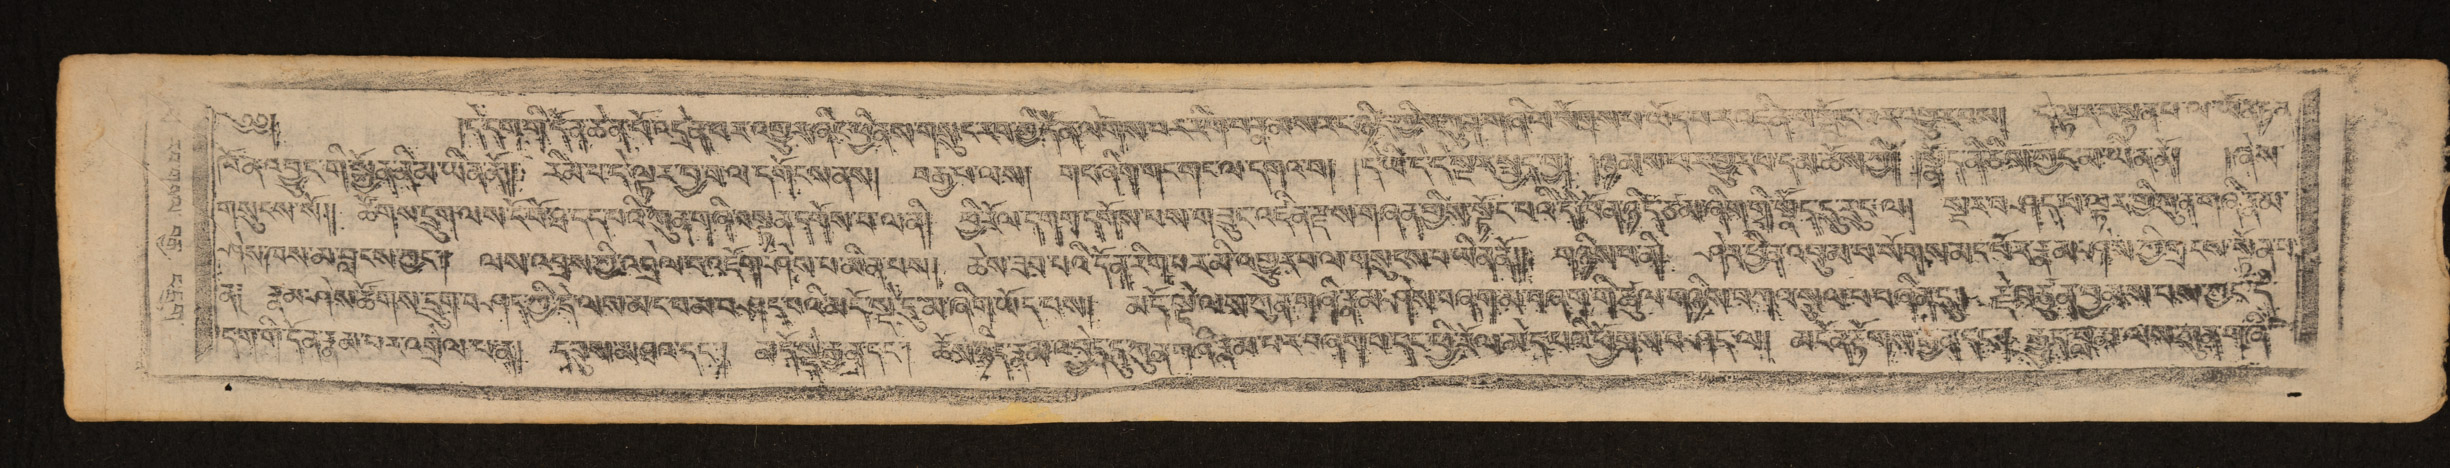༄༅། །དེ་དག་གི་དོན་ཆེན་པོ་འདྲེན་པར་འགྱུར་ཞིང་ཕྱི་ནས་གསུང་རབ་ཀྱི་དོན་ལེགས་པར་རིག་པ་རྣམས་རང་ཉིད་ཀྱིས་ཀུན་གཞི་ལ་སོགས་པ་ཡོད་པར་འཛིན་པ་སྤོང་བར་འགྱུར་བས། དེ་ལྟར་བསྟན་པ་ལ་ཡོན་ཏན་
ཁོ་ན་འབྱུང་གི་སྐྱོན་ནི་མ་ཡིན་ནོ།། རིམ་པ་དེ་ལྟར་བྱ་བ་ལ་དགོངས་ནས། བརྒྱ་པ་ལས། གང་ཞིག་གང་གང་ལ་དགའ་བ། །དེ་ཡི་དེ་དེ་སྔར་སྤྱད་བྱ། །ཉམས་པར་གྱུར་པ་དམ་ཆོས་ཀྱི། །སྣོད་ནི་ཅིས་ཀྱང་མ་ཡིན་ནོ། །ཞེས་
གསུངས་སོ།། ཚོགས་དྲུག་ལས་ངོ་བོ་ཐ་དད་པའི་ཀུན་གཞི་བསྟན་དགོས་པ་ལ་ནི། ཕྱི་རོལ་དགག་དགོས་པས་གཟུང་འཛིན་རྫས་གཞན་གྱིས་སྟོང་པའི་དེ་ཁོ་ན་ཉིད་ཙམ་ཞིག་གི་སྣོད་དུ་རུང་ལ། སྔར་བཤད་པ་ལྟར་གྱི་ཀུན་གཞི་རྣམ་
ཤེས་ཁས་མ་བླངས་ཀྱང་། ལས་འབྲས་ཀྱི་འབྲེལ་བ་འཇོག་ཤེས་པ་མིན་པས། ཆེས་ཟབ་པའི་དོན་རིག་པར་མི་འགྱུར་བ་ལ་གསུངས་པ་ཡིན་ནོ།། གཉིས་པ་ནི། ཤེར་ཕྱིན་འབུམ་པ་སོགས་མང་པོར་རྣམ་ཤེས་ཀྱི་གྲངས་སྟོན་པ་
ན༑ རྣམ་ཤེས་ཚོགས་དྲུག་བཤད་ཀྱི་དེ་ལས་མང་བ་མ་བཤད་པའི་མདོ་སྡེ་དུ་མ་ཞིག་ཡོད་པས། མདོ་སྡེ་ལས་ཀུན་གཞི་རྣམ་ཤེས་བཞག་མ་བཞག་གི་ཚུལ་གཉིས་བཀའ་སྩལ་པ་བཞིན་དུ། རྗེ་བཙུན་བྱམས་པས་ཀྱང་དེ་
དག་གི་དོན་རྣམ་པར་འགྲེལ་པ་ན། དབུས་མཐའ་དང་། མདོ་སྡེ་རྒྱན་དང་། ཆོས་ཉིད་རྣམ་འབྱེད་དུ་ཀུན་གཞི་རྣམ་པར་བཞག་པ་དང་ཕྱི་རོལ་མེད་པའི་ཕྱོགས་བཤད་ལ། མངོན་རྟོགས་རྒྱན་དང་། རྒྱུད་བླ་མ་ལས་ཀུན་གཞི་